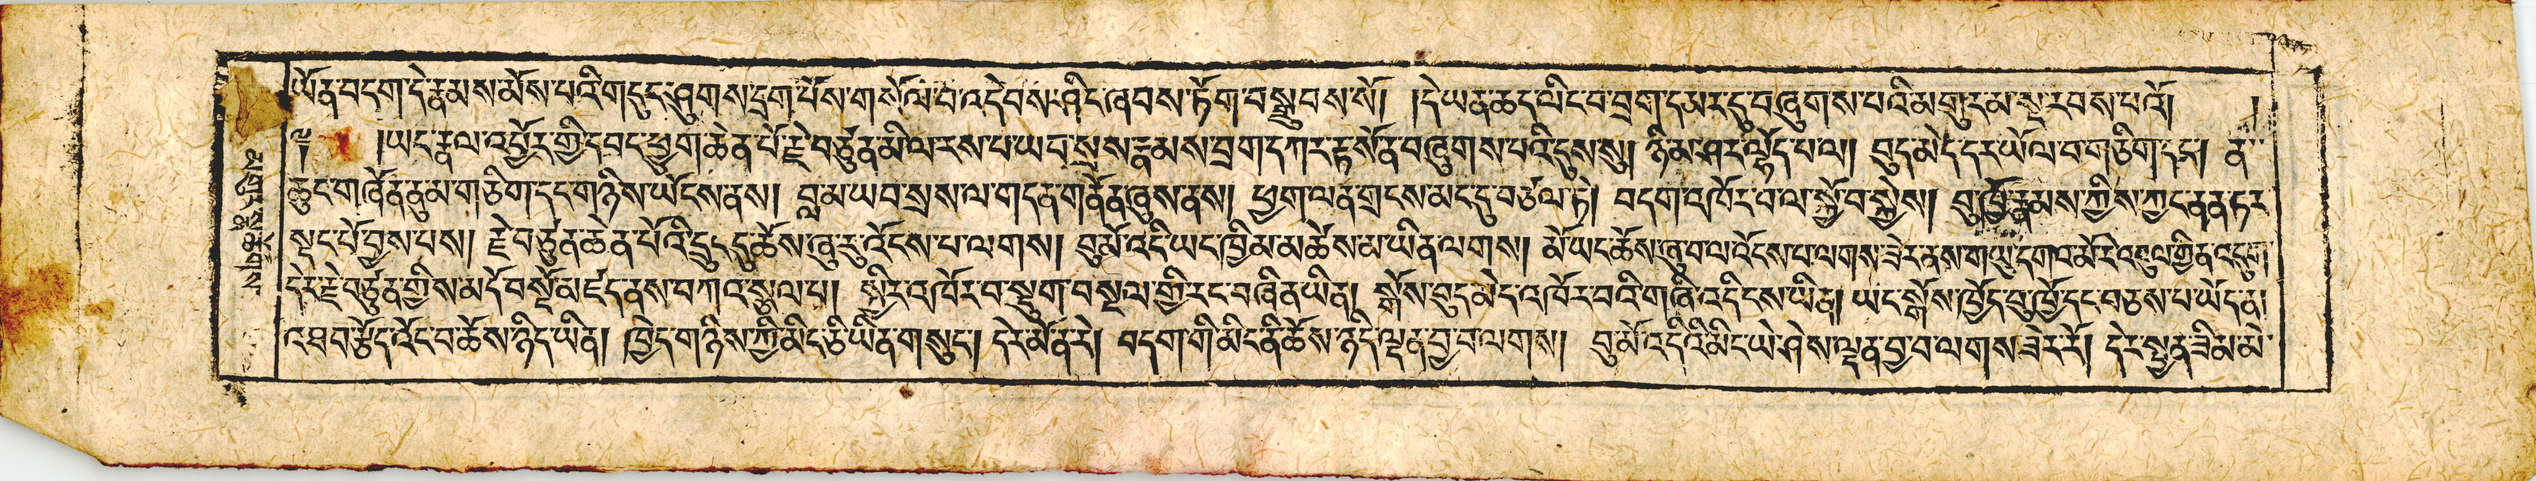ཡོན་བདག་དེ་རྣམས་མོས་པའི་གདུང་ཤུགས་དྲག་པོས་གསོལ་བ་འདེབས་ཤིང་ཞབས་ཏོག་བསྒྲུབས་སོ། །དེ་ཡན་ཆད་ལིང་བ་བྲག་དམར་དུ་བཞུགས་པའི་མགུར་མ་སྔ་རབས་པའོ།། 
ཡང་རྣལ་འབྱོར་གྱི་དབང་ཕྱུག་ཆེན་པོ་རྗེ་བཙུན་མི་ལ་རས་པ་ཡབ་སྲས་རྣམས་བྲག་དཀར་རྟ་སོ་ན་བཞུགས་པའི་དུས་སུ། ཉི་མ་ཤར་ལྷོད་པ་ལ། བུད་མེད་དར་ཡོལ་བ་གཅིག་དང་། ན་
ཆུང་གཞོན་ནུ་མ་གཅིག་དང་གཉིས་ཡོངས་ནས། བླ་མ་ཡབ་སྲས་ལ་གདན་གནོན་ཞུས་ནས། ཕྱག་ལན་གྲངས་མང་དུ་བཙལ་ཏེ། བདག་འཁོར་བ་ལ་སྐྱོ་བ་སྐྱེས། བུ་ཁྱོ་རྣམས་ཀྱིས་ཀྱང་ནན་ཏར་
སྡང་པོ་བྱས་པས། རྗེ་བཙུན་ཆེན་པོའི་དྲུང་དུ་ཆོས་ཞུ་རུ་འོངས་པ་ལགས། བུ་མོ་འདི་ཡང་ཁྱིམ་མཚེས་མ་ཡིན་ལགས། མོ་ཡང་ཆོས་ཞུ་བ་ལ་འོངས་པ་ལགས་ཟེར་ནས་གའུ་དགའ་མོ་རེ་འབུལ་གྱིན་འདུག། 
དེར་རྗེ་བཙུན་གྱིས་མདོ་བསྔོ་མཛད་ནས་བཀའ་སྩལ་པ། སྤྱིར་འཁོར་བ་སྡུག་བསྔལ་གྱི་རང་བཞིན་ཡིན། སྒོས་བུད་མེད་འཁོར་བའི་གཞི་འདིངས་ཡིན། ཡང་སྒོས་ཁྱོད་བུ་ཁྱོ་དང་བཅས་པ་ཡོད་ན།
འཐབ་རྩོད་འོང་བ་ཆོས་ཉིད་ཡིན། ཁྱེད་གཉིས་ཀྱི་མིང་ཅི་ཡིན་གསུང་། དེར་མོ་ན་རེ། བདག་གི་མིང་ནི་ཆོས་ཉིད་ལྡན་བྱ་བ་ལགས། བུ་མོ་འདིའི་མིང་ཡེ་ཤེས་ལྡན་བྱ་བ་ལགས་ཟེར་རོ། དེར་སྤྱན་ཟིམ་མེ་